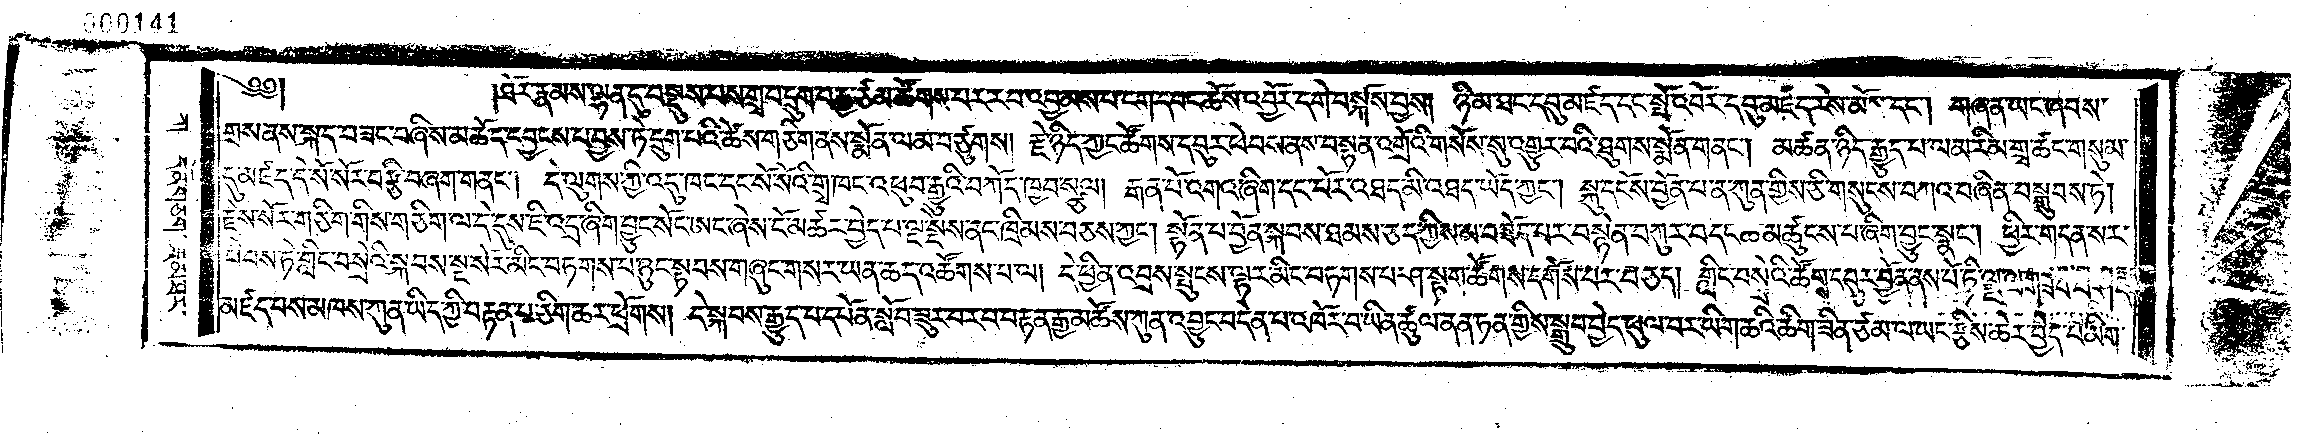༄༅། །ཐོར་རྣམས་ལྷན་དུ་བསྡུས་པས་གྲྭ་བ་དྲུག་བརྒྱ་ཙམ་ཚོགས་པར་རབ་འབྱམས་པ་ངག་དབང་ཆོས་འབྱོར་དགེ་བསྐོས་བྱས། ཉི་མ་ཐང་དབུ་མཛད་དང་སྤོ་འབོར་དབུ་མཛད་རེས་མོས་དང་། གཞན་ཡང་ཞབས་
གྲས་ནས་སྐད་བཟང་བཞིས་མཆོད་དབྱངས་པ་བྱས་ཏེ་དྲུག་པའི་ཚེས་གཅིག་ནས་སྨོན་ལམ་བཙུགས། རྗེ་ཉིད་ཀྱང་ཚོགས་དབུར་ཕེབས་ནས་བསྟན་འགྲོའི་གསོས་སུ་འགྱུར་བའི་ཐུགས་སྨོན་གནང་། མཚན་ཉིད་རྒྱུད་པ་ལམ་རིམ་གྲྭ་ཚང་གསུམ་
དུ་མཛད་དེ་སོ་སོར་བརྩི་བཞག་གནང་། དེ་ལུགས་ཀྱི་འདུ་ཁང་དང་སོ་སོའི་གྲྭ་ཁང་འཕུབ་རྒྱུའི་བཀོད་ཁྱབ་སྩལ། རྒན་པོ་འགའ་ཞིག་དང་པོར་འཐད་མི་འཐད་ཡོད་ཀྱང་། སྐུ་དངོས་བྱོན་པ་ན་ཀུན་གྱིས་ཅི་གསུངས་བཀའ་བཞིན་བསྒྲུབས་ཏེ།
རྗེས་སོར་གཅིག་གིས་གཅིག་ལ་དེ་དུས་ཇི་འདྲ་ཞིག་བྱུང་སོང་ཨང་ཞེས་ངོ་མཚར་བྱེད་པ་ལྔ་སྔེས་ནང་ཁྲིམས་བཅས་ཀྱང་། སྟོན་པ་བྱོན་སྐབས་ཐམས་ཅད་ཀྱིས་མ་བཟོད་པར་བསྟེན་བཀུར་བ་དང་ཆ་མཚུངས་པ་ཞིག་བྱུང་སྣང་། ཕྱིར་གདན་སར་
ཕེབས་ཏེ་གླིང་བསྲེའི་སྐབས་སྔ་སོར་མིང་བཏགས་པ་ཉུང་སྟབས་གཞུང་གསར་ཡན་ཆད་འཚོགས་པ་ལ། དེ་ཕྱིན་འབྲས་སྤུངས་ལྟར་མིང་བཏགས་པ་ཤ་སྟག་ཚོགས་དགོས་པར་བཅད། གླིང་བསྲེའི་ཚོགས་དབུར་བྱོན་ནས་པོ་ཏི་ལྔ་ལ་གཟབ་བཤད་
མཛད་པས་མཁས་ཀུན་ཡིད་ཀྱི་བརྟན་པ་ཅིག་ཆར་ཕྲོགས། དེ་སྐབས་རྒྱུད་པ་དཔོན་སློབ་ཟུར་བ་རབ་བརྟན་རྒྱ་མཚོས་ཀུན་འབྱུང་བདེན་པ་འཁོར་བ་ཡིན་ཚུལ་ནན་ཏན་གྱིས་སྒྲུབ་བྱེད་ཕུལ་བར་ཡིག་ཆའི་ཚིག་ཟིན་ཙམ་ལ་ཡང་རྩིས་ཆེར་བྱེད་པ་མིག་